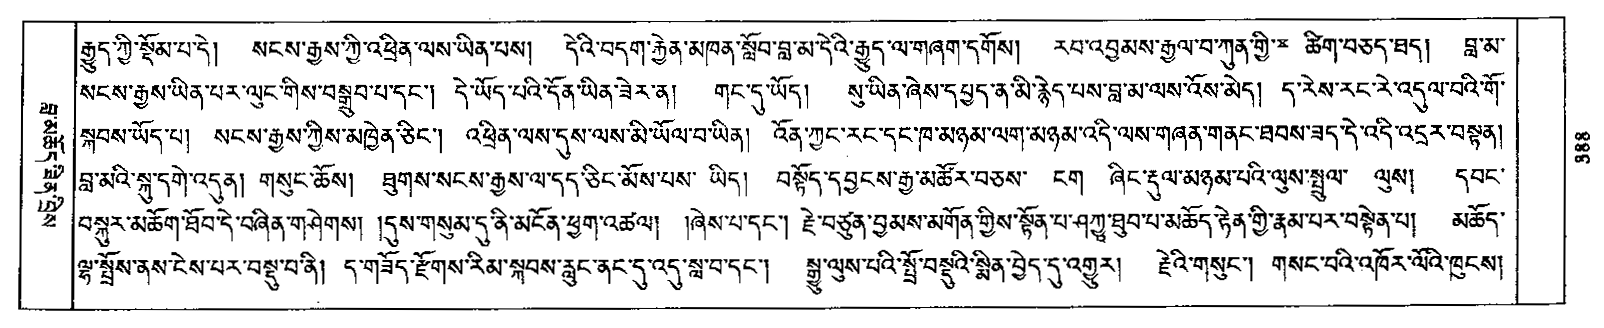རྒྱུད་ཀྱི་སྡོམ་པ་དེ། སངས་རྒྱས་ཀྱི་འཕྲིན་ལས་ཡིན་པས། དེའི་བདག་རྐྱེན་མཁན་སློབ་བླ་མ་དེའི་རྒྱུད་ལ་གཞག་དགོས། རབ་འབྱམས་རྒྱལ་བ་ཀུན་གྱི་྾་ཚིག་བཅད་ཐད། བླ་མ་
སངས་རྒྱས་ཡིན་པར་ལུང་གིས་བསྒྲུབ་པ་དང་། དེ་ཡོད་པའི་དོན་ཡིན་ཟེར་ན། གང་དུ་ཡོད། སུ་ཡིན་ཞེས་དཔྱད་ན་མི་རྙེད་པས་བླ་མ་ལས་འོས་མེད། ད་རེས་རང་རེ་འདུལ་བའི་གོ་
སྐབས་ཡོད་པ། སངས་རྒྱས་ཀྱིས་མཁྱེན་ཅིང་། འཕྲིན་ལས་དུས་ལས་མི་ཡོལ་བ་ཡིན། འོན་ཀྱང་རང་དང་ཁ་མཉམ་ལག་མཉམ་འདི་ལས་གཞན་གནང་ཐབས་ཟད་དེ་འདི་འདྲར་བསྟན།
བླ་མའི་སྐུ་དགེ་འདུན། གསུང་ཆོས། ཐུགས་སངས་རྒྱས་ལ་དད་ཅིང་མོས་པས་ཡིད། བསྟོད་དབྱངས་རྒྱ་མཚོར་བཅས་ངག་ཞིང་རྡུལ་མཉམ་པའི་ལུས་སྤྲུལ་ལུས། དབང་
བསྐུར་མཆོག་ཐོབ་དེ་བཞིན་གཤེགས། །དུས་གསུམ་དུ་ནི་མངོན་ཕྱག་འཚལ། །ཞེས་པ་དང་། རྗེ་བཙུན་བྱམས་མགོན་གྱིས་སྟོན་པ་ཤཱཀྱ་ཐུབ་པ་མཆོད་རྟེན་གྱི་རྣམ་པར་བསྟེན་པ། མཆོད་
ལྷ་སྤྲོས་ནས་ངེས་པར་བསྡུ་བ་ནི། ད་གཟོད་རྫོགས་རིམ་སྐབས་རླུང་ནང་དུ་འདུ་སླ་བ་དང་། སྒྱུ་ལུས་པའི་སྤྲོ་བསྡུའི་སྨིན་བྱེད་དུ་འགྱུར། རྗེའི་གསུང་། གསང་བའི་འཁོར་ལོའི་ཁུངས།